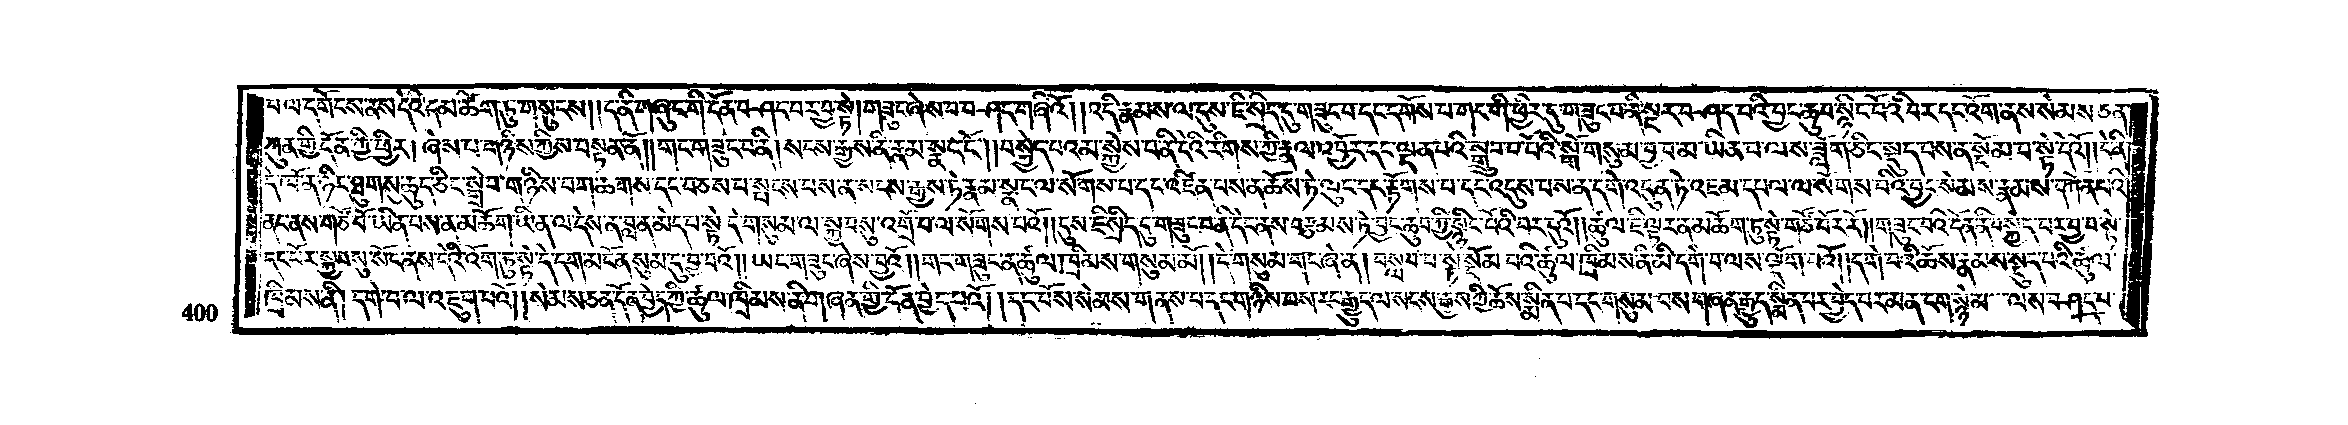པ་ལ་དགོངས་ནས་དེའི་དམ་ཚིག་ཏུ་གསུངས། །ད་ནི་གཞུང་གི་དོན་བཤད་པར་བྱ་སྟེ། གཟུང་ཞེས་བ་བཤད་གཞིའོ། །འདི་རྣམས་ལ་དུས་ཇི་སྲིད་དུ་གཟུང་བ་དང་དགོས་པ་གང་གི་ཕྱིར་དུ་གཟུང་བ་ནི་སྔར་བཤད་པའི་བྱང་ཆུབ་སྙིང་པོའི་བར་དང་འོག་ནས་སེམས་ཅན་
ཀུན་གྱི་དོན་གྱི་ཕྱིར། ཞེས་པ་གཉིས་ཀྱིས་བསྟན་ནོ། །གང་གཟུང་བ་ནི། སངས་རྒྱས་ནི་རྣམ་སྣང་ངོ། །བསྐྱེད་པའམ་སྐྱེས་པ་ནི་དེའི་རིགས་ཀྱི་རྣལ་འབྱོར་དང་ལྡན་པའི་སྒྲུབ་པ་པོའི་སྒོ་གསུམ་བྱ་བ་མ་ཡིན་པ་ལས་ཟློག་ཅིང་སྡུད་པས་ན་སྡོམ་པ་སྟེ་དེའོ། །དེ་ནི་
དེ་ཁོ་ན་ཉིད་ཐུགས་སུ་ཆུད་ཅིང་སྒྲིབ་གཉིས་བག་ཆགས་དང་བཅས་པ་སྤངས་པས་ན་སངས་རྒྱས་ཏེ་རྣམ་སྣང་ལ་སོགས་པ་དང་འཛིན་པས་ན་ཆོས་ཏེ་ལུང་དང་རྟོགས་པ་དང་འདུས་པས་ན་དགེ་འདུན་ཏེ་འཇམ་དཔལ་ལ་སོགས་པའི་བྱང་སེམས་རྣམས་དཀོན་པའི་
ནང་ནས་གཙོ་བོ་ཡིན་པས་ན་མཆོག་ཡིན་ལ་དེས་ན་བླ་ན་མེད་པ་སྟེ་དེ་གསུམ་ལ་སྐྱབས་སུ་འགྲོ་བ་ལ་སོགས་པའོ། །དུས་ཇི་སྲིད་དུ་གཟུང་བ་ནི་དེང་ནས་བརྩམས་ཏེ་བྱང་ཆུབ་ཀྱི་སྙིང་པོའི་བར་དུའོ། །ཚུལ་ཇི་ལྟར་ན་མཆོག་ཏུ་སྟེ་གཙོ་བོར་རོ། །གཟུང་བའི་དོན་ནི་བསྐྱེད་པར་བྱ་བ་སྟེ་
དང་པོར་སྐྱབས་སུ་སོང་ནས་དེའི་འོག་ཏུ་སྟེ་དེ་དག་མངོན་སུམ་དུ་བྱ་བའོ། །ཡང་གཟུང་ཞེས་བྱའོ། །གང་གཟུང་ན་ཚུལ་ཁྲིམས་གསུམ་མོ། །དེ་གསུམ་གང་ཞེ་ན། བསླབ་པ་སྟེ་སྡོམ་པའི་ཚུལ་ཁྲིམས་ནི་མི་དགེ་བ་ལས་ལྡོག་པའོ། །དགེ་བའི་ཆོས་རྣམས་སྡུད་པའི་ཚུལ་
ཁྲིམས་ནི། དགེ་བ་ལ་འཇུག་པའོ། །སེམས་ཅན་དོན་བྱེད་ཀྱི་ཚུལ་ཁྲིམས་ནི་གཞན་གྱི་དོན་བྱེད་པའོ། །དང་པོས་སེམས་གནས་པ་དང་གཉིས་པས་རང་རྒྱུད་ལ་སངས་རྒྱས་ཀྱི་ཆོས་སྨིན་པ་དང་གསུམ་པས་གཞན་རྒྱུད་སྨིན་པར་བྱེད་པར་མན་ངག་སྙེ་མ་ལས་བཤད་པ་